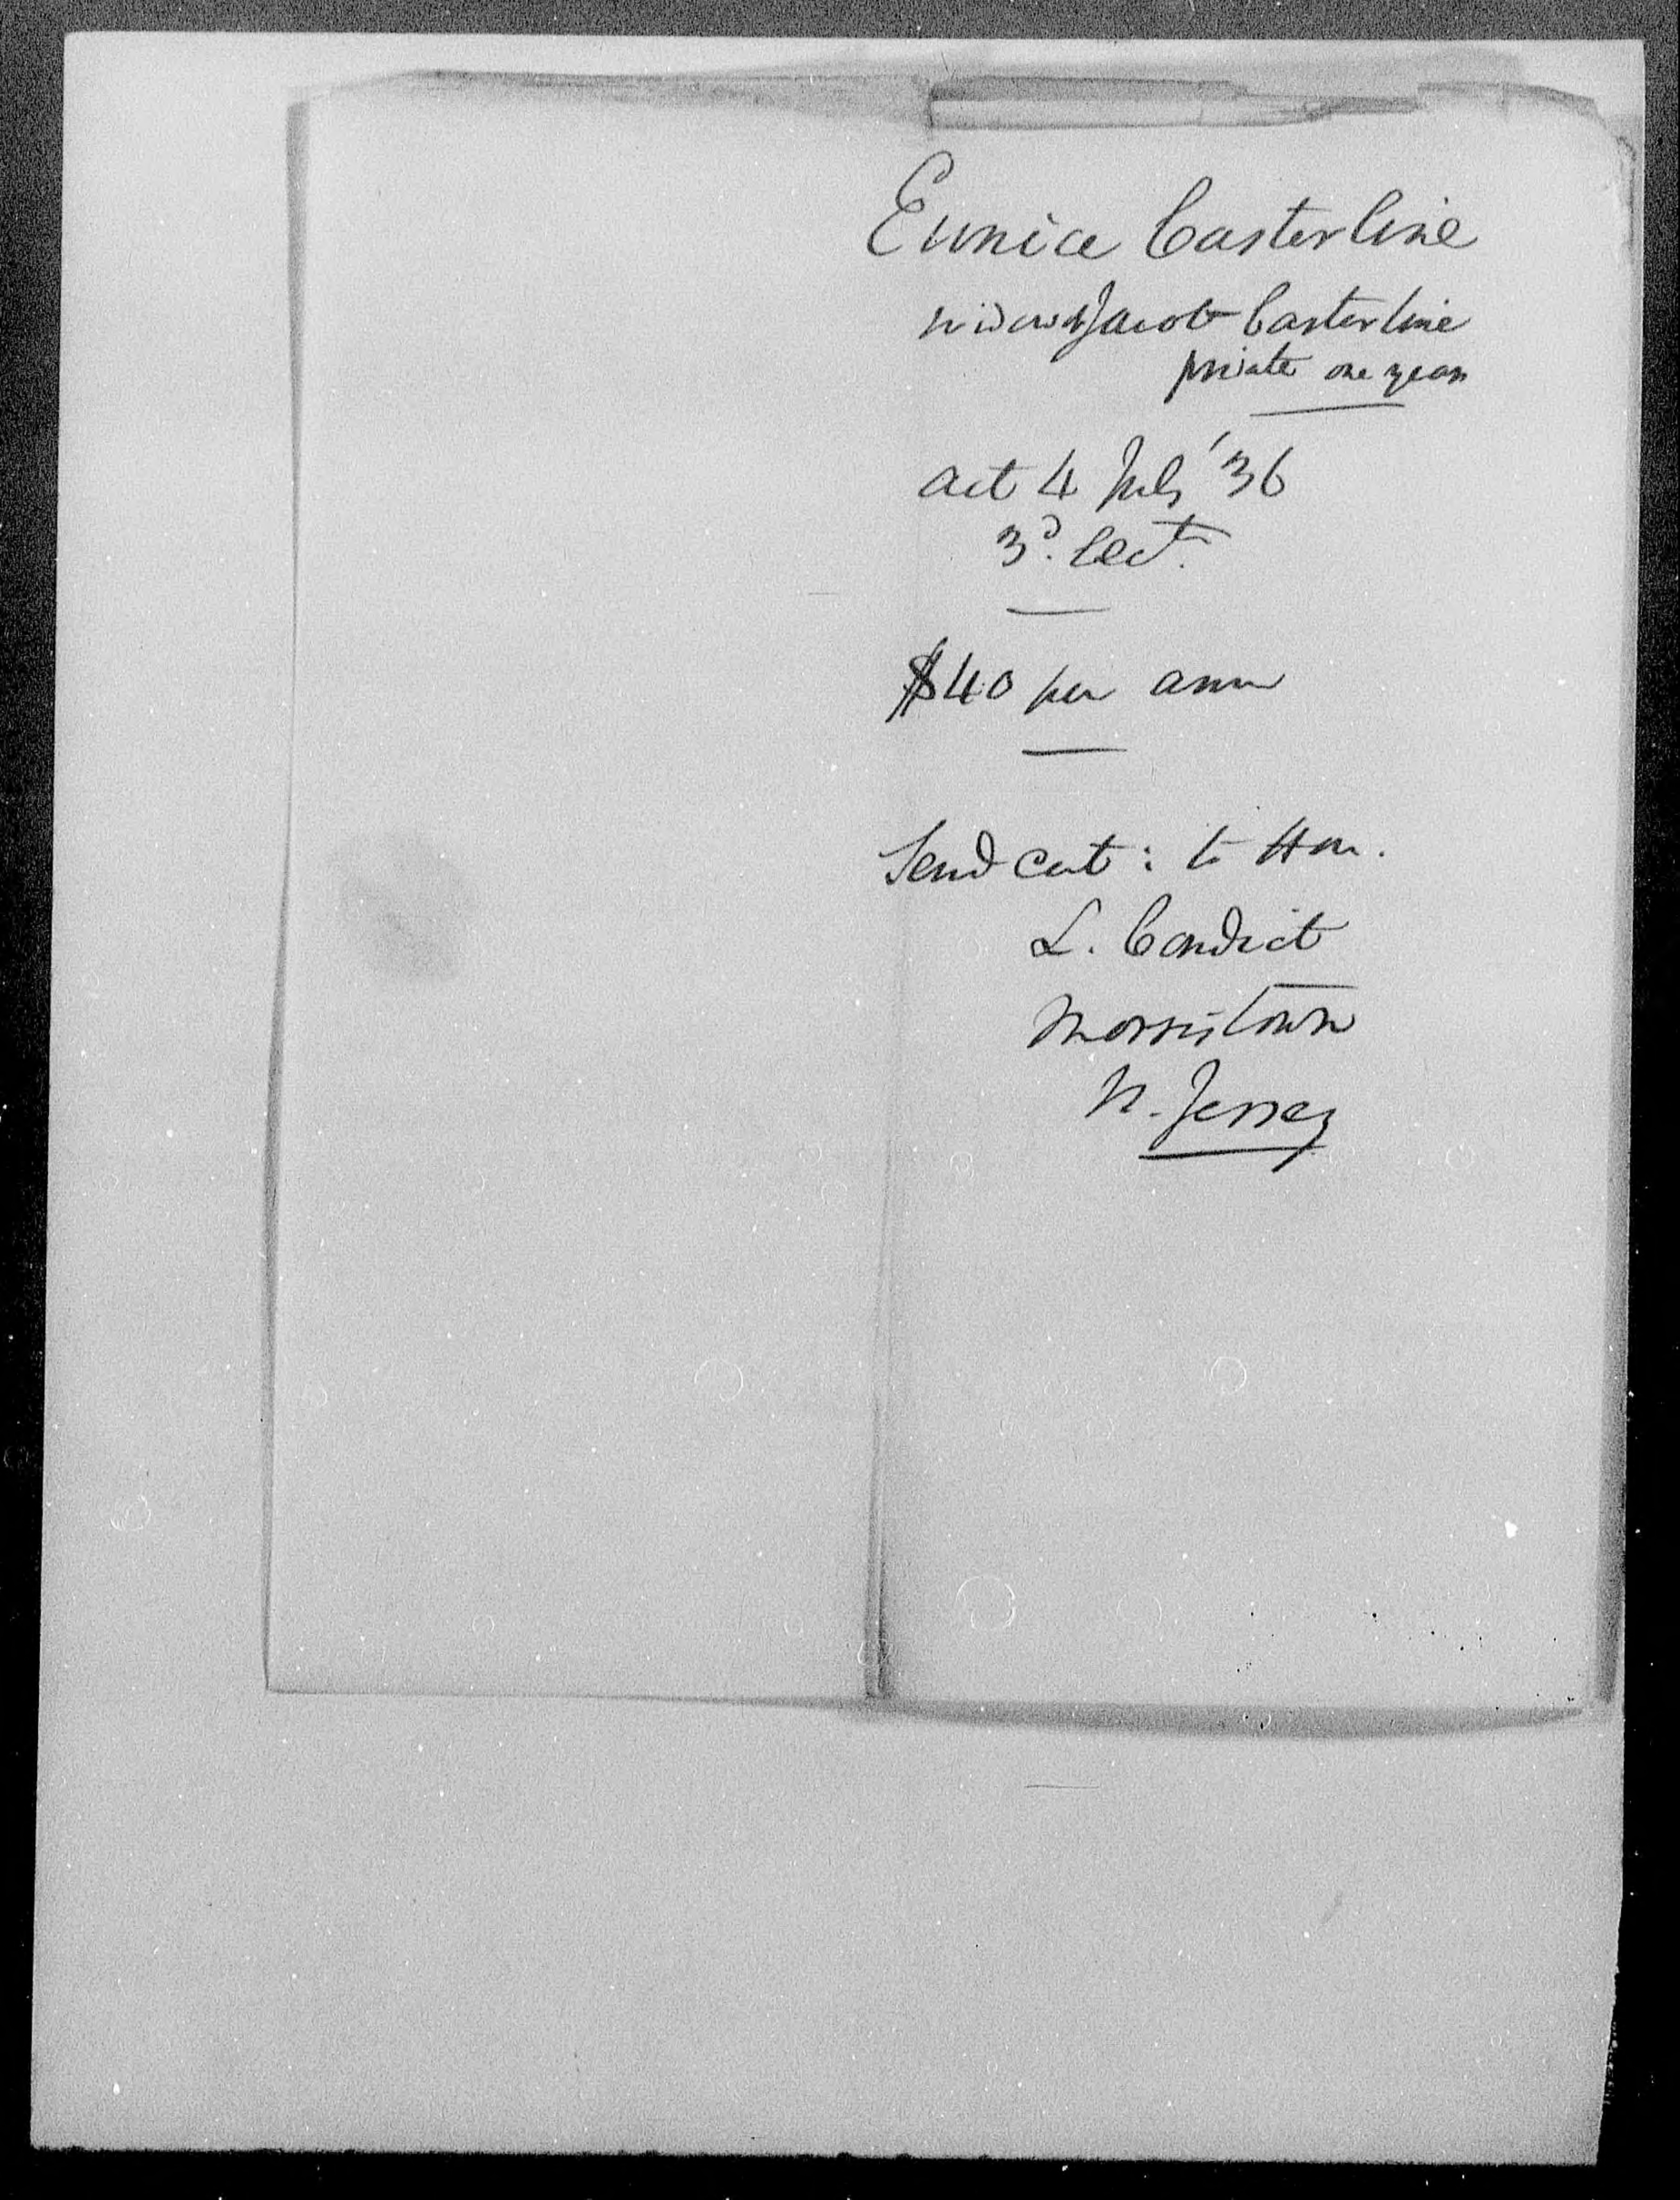Eunice Casterline
widow Jacob Casterline
[?]  one year

Act 4 July '36
3d Sect
$40 per ann

Tend cut: [?]
L. Condict
Morristown 
N. Jersey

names: Jacob Casterline, L Condict, Eunice Casterline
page: 28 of 38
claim: widow's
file: W. 6644, Jacob Casterline, New Jersey